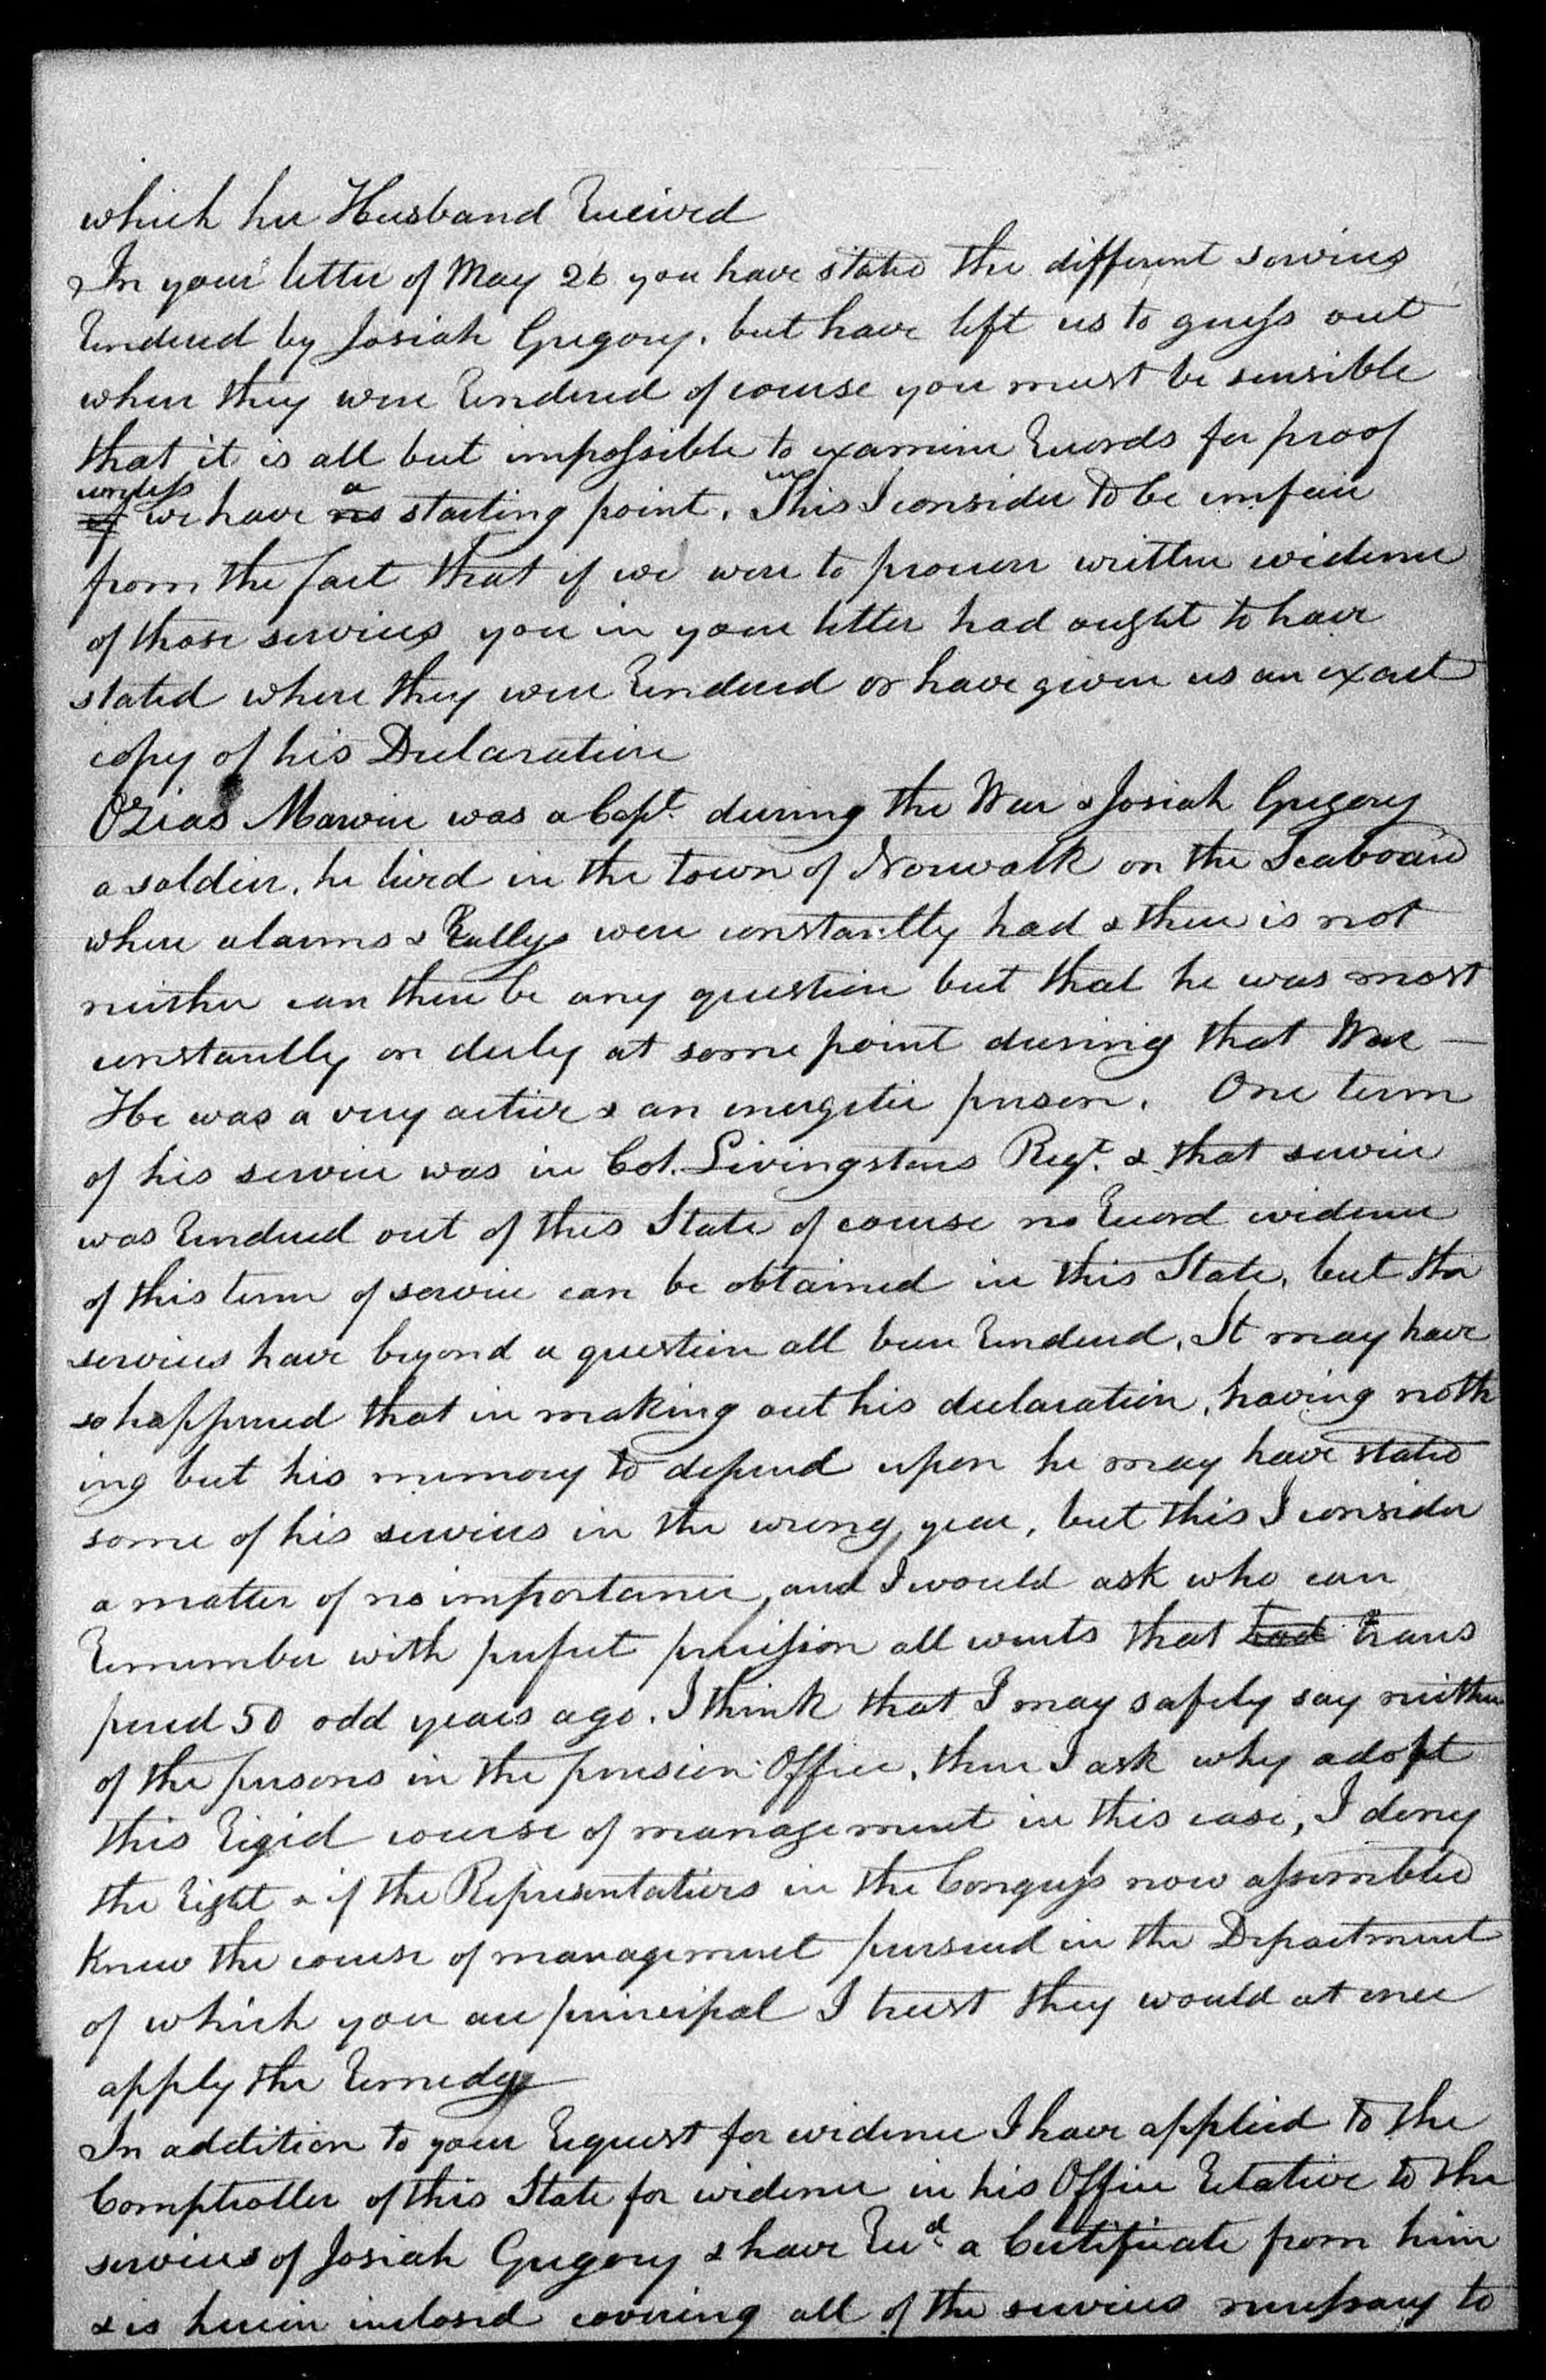which her Husband received
In your letter of May 26 you have stated the different services rendered by Josiah Gregory, but have left us to guess  out where they were rendered of course you must be sensible that it is all but impossible to examine records for proof unless we have a starting point.  This I consider to be unfair from the fact that if we were to procure written evidence of those services you in your letter had ought to have stated where they were rendered or have given us an exact copy of his Declaration
Osiah Marvin was a Capt during the War & Josiah Gregory a soldier, he lived in the town of Norwalk on the Seaboard where alarms & rallys were constantly had & there is not neither can there be any question but that he was most constantly on duty at some point during the War -
He was a very active & energetic person.  One term of his service was in Col. Livingstons Regt. & that service was rendered out of this State of course no record evidence of this term of service can be obtained in this State, but the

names: Josiah Gregory, Josiah Gregory, Ozias Marvin, Josiah Gregory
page: 38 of 49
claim: widow's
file: W 24308, Josiah Gregory, Conn.